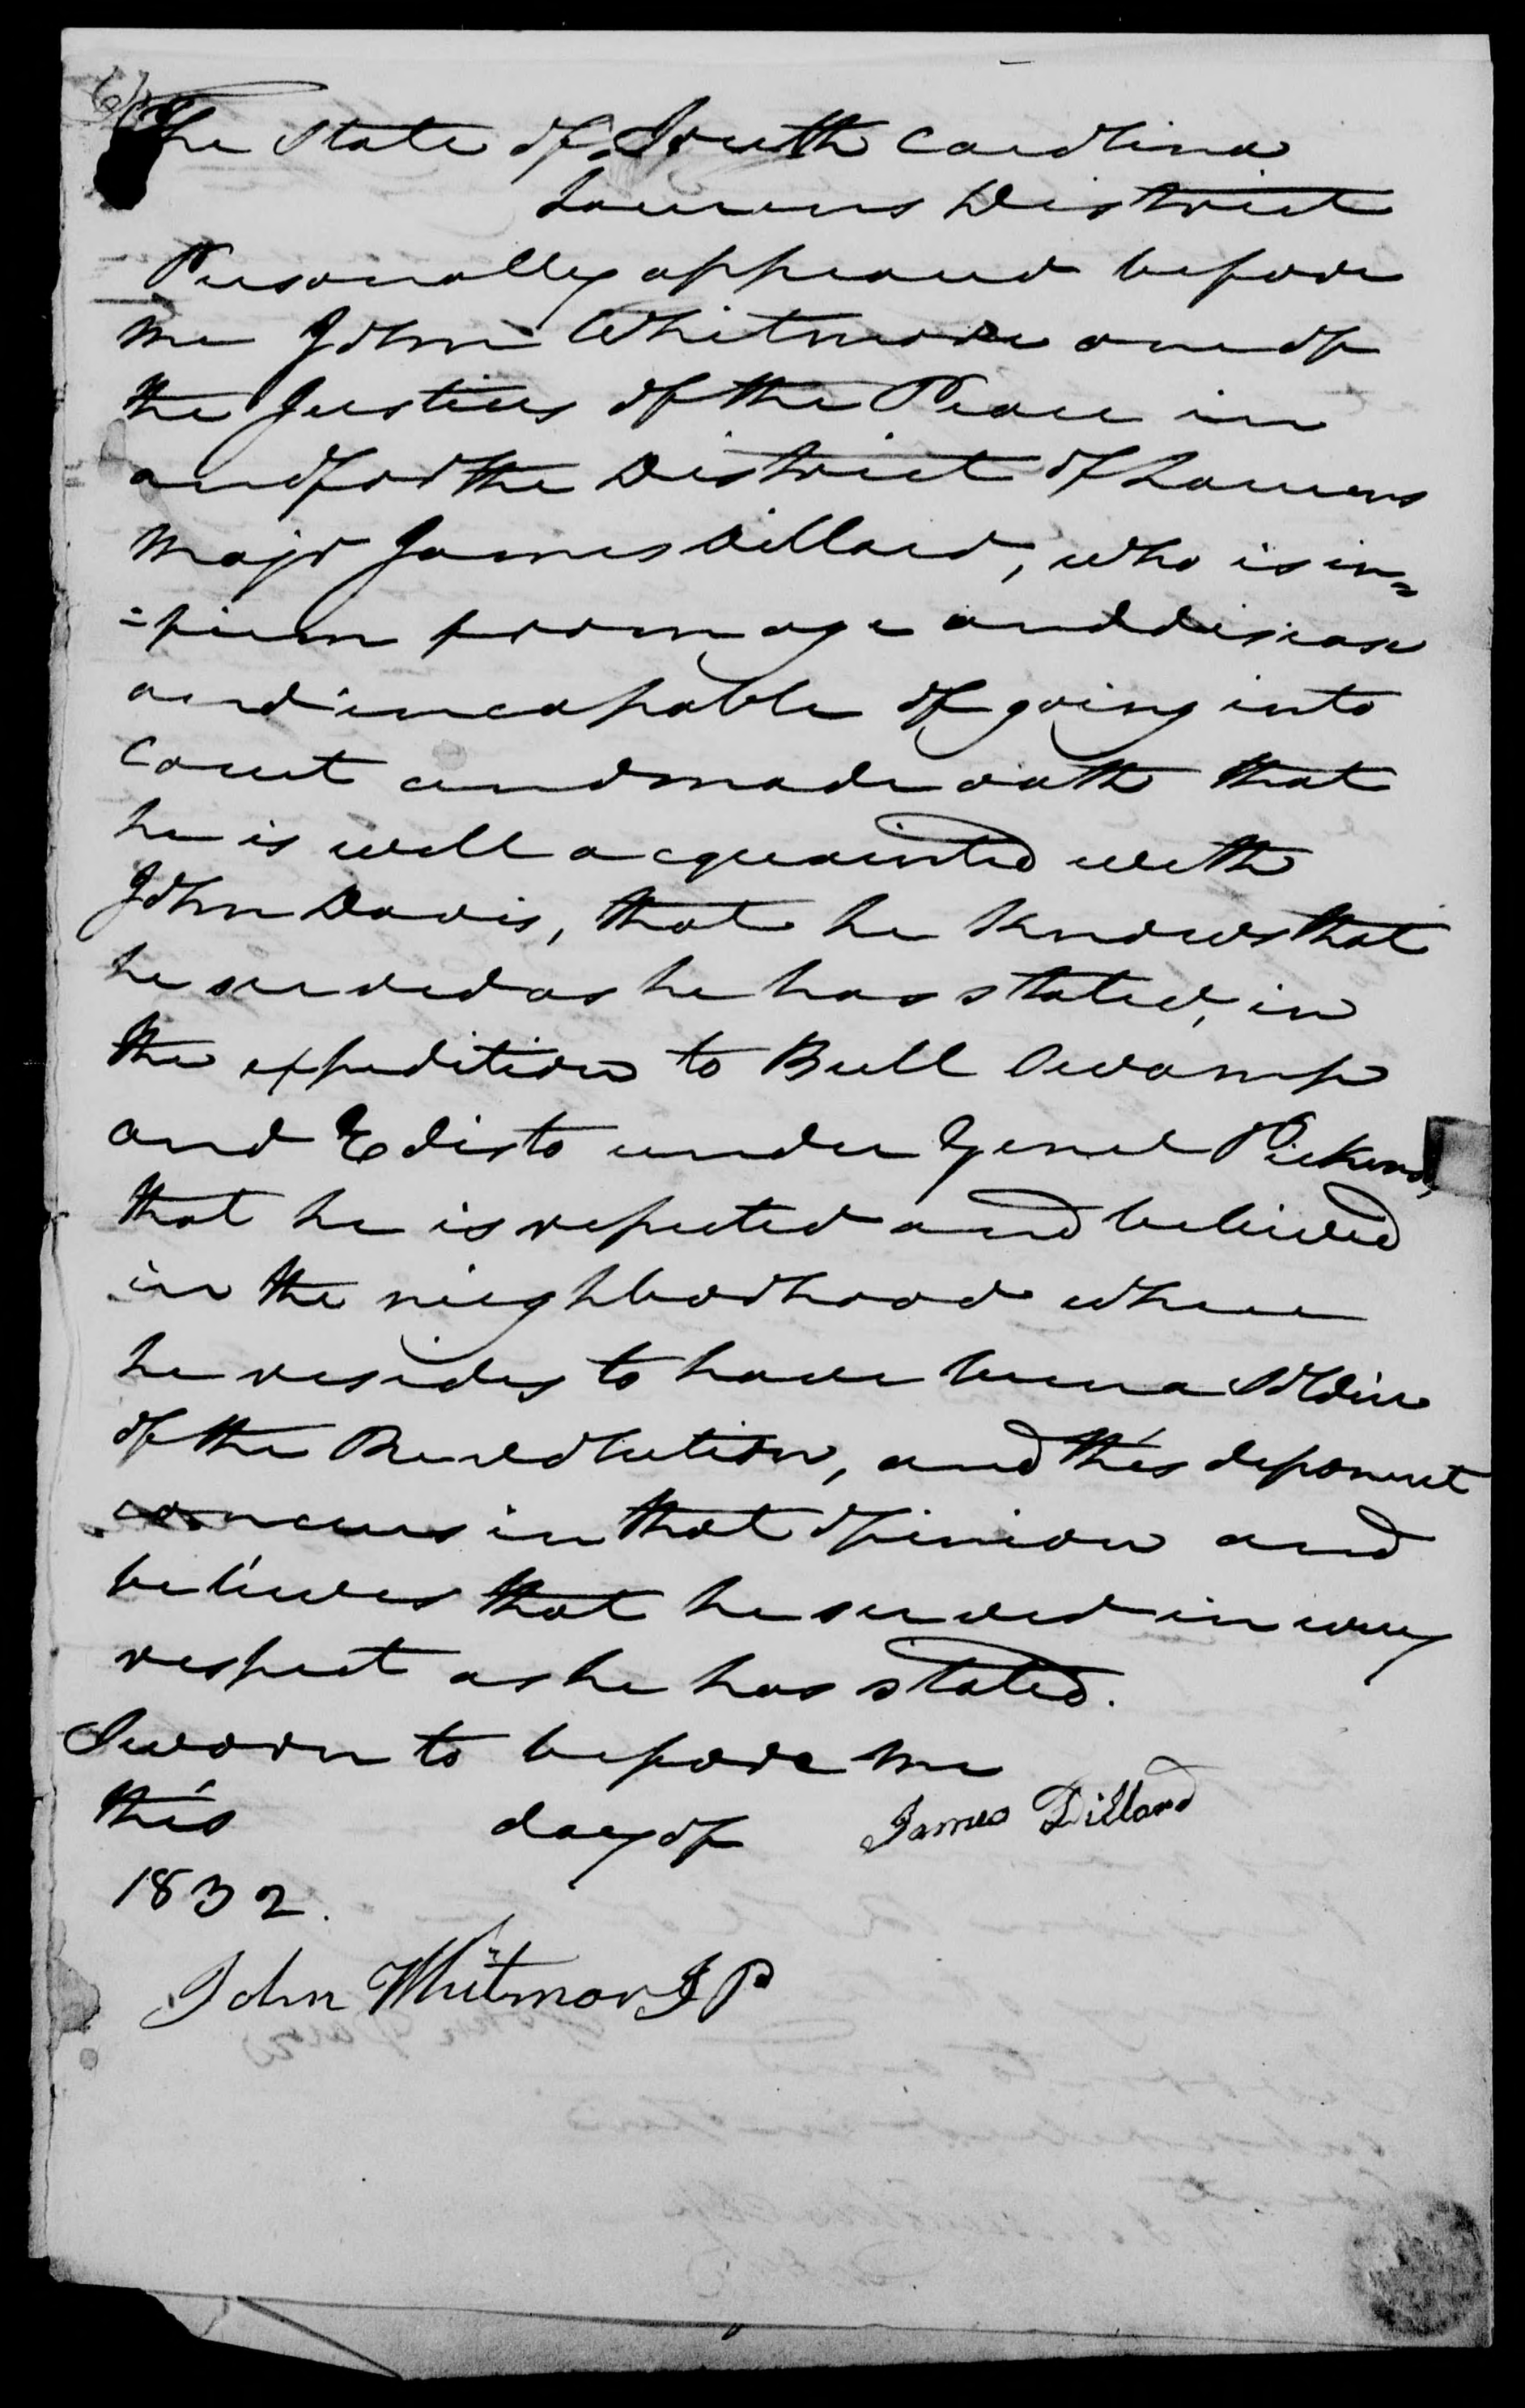State of South Carolina
Laurens District
Personally appeared before me John Whitmer one of the Justices of the Peace in and for the District of Laurens, Major James Dillard, who is infirm from age and disease and incapable of going into Court and made oath that he is well acquainted with John Davis, that he know that
he served as he has stated in the expedition to Bull Swamp and Edisto under Gen'l Pickens
that he is reputed and believed in the neighborhood where he resides to have been a soldier
of the Revolution, and this deponent concurs in that opinion and believes that he served in every
respect as he has stated
[signed]
James Dillard

Sworn to before me this -- day of -- 1832
John Whitmer J P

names: James Dillard, John Davis, James Dillard, John Whitmore, John Whitmore, Pickins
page: 8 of 13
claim: survivor's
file: S. 21,725, John Davis, S.C.